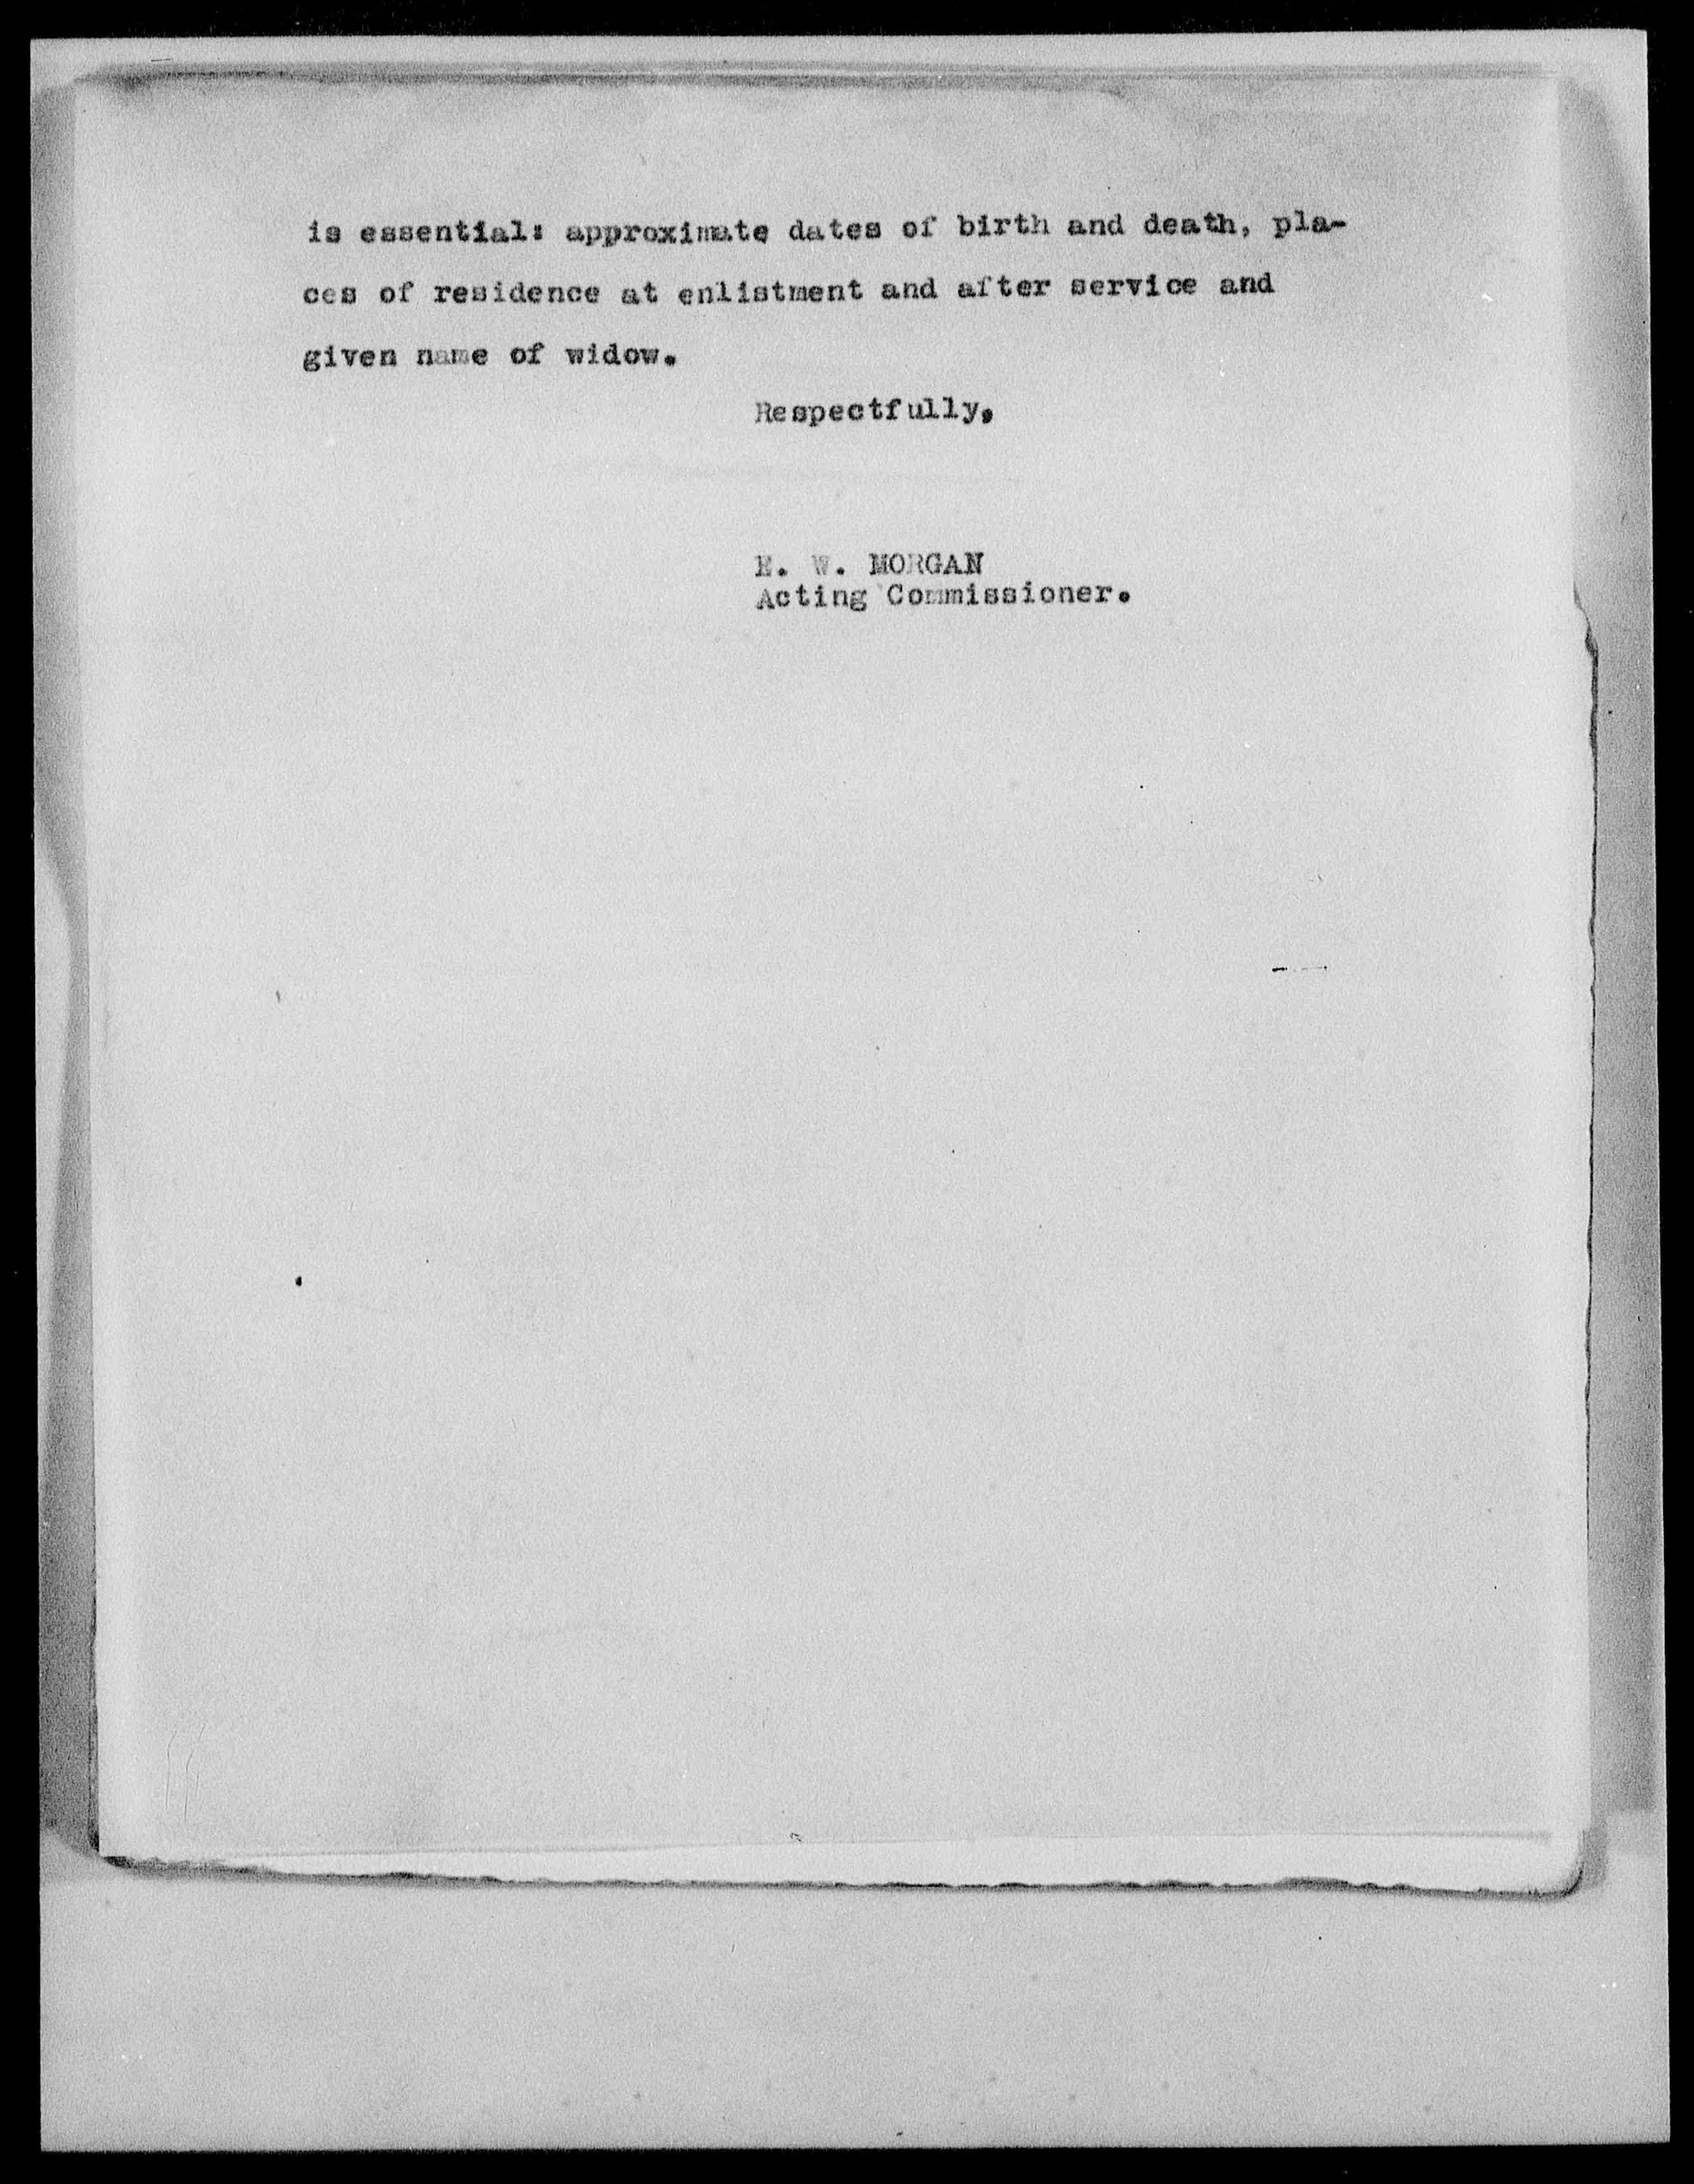is essential: approximate dates of birth and death, places of residence at enlistment and after service and given name of widow. Respectfully, 
E. W. MORGAN 
Acting Commissioner.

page: 27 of 28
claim: survivor's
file: S. 21844, for Samuel Jones, South Carolina